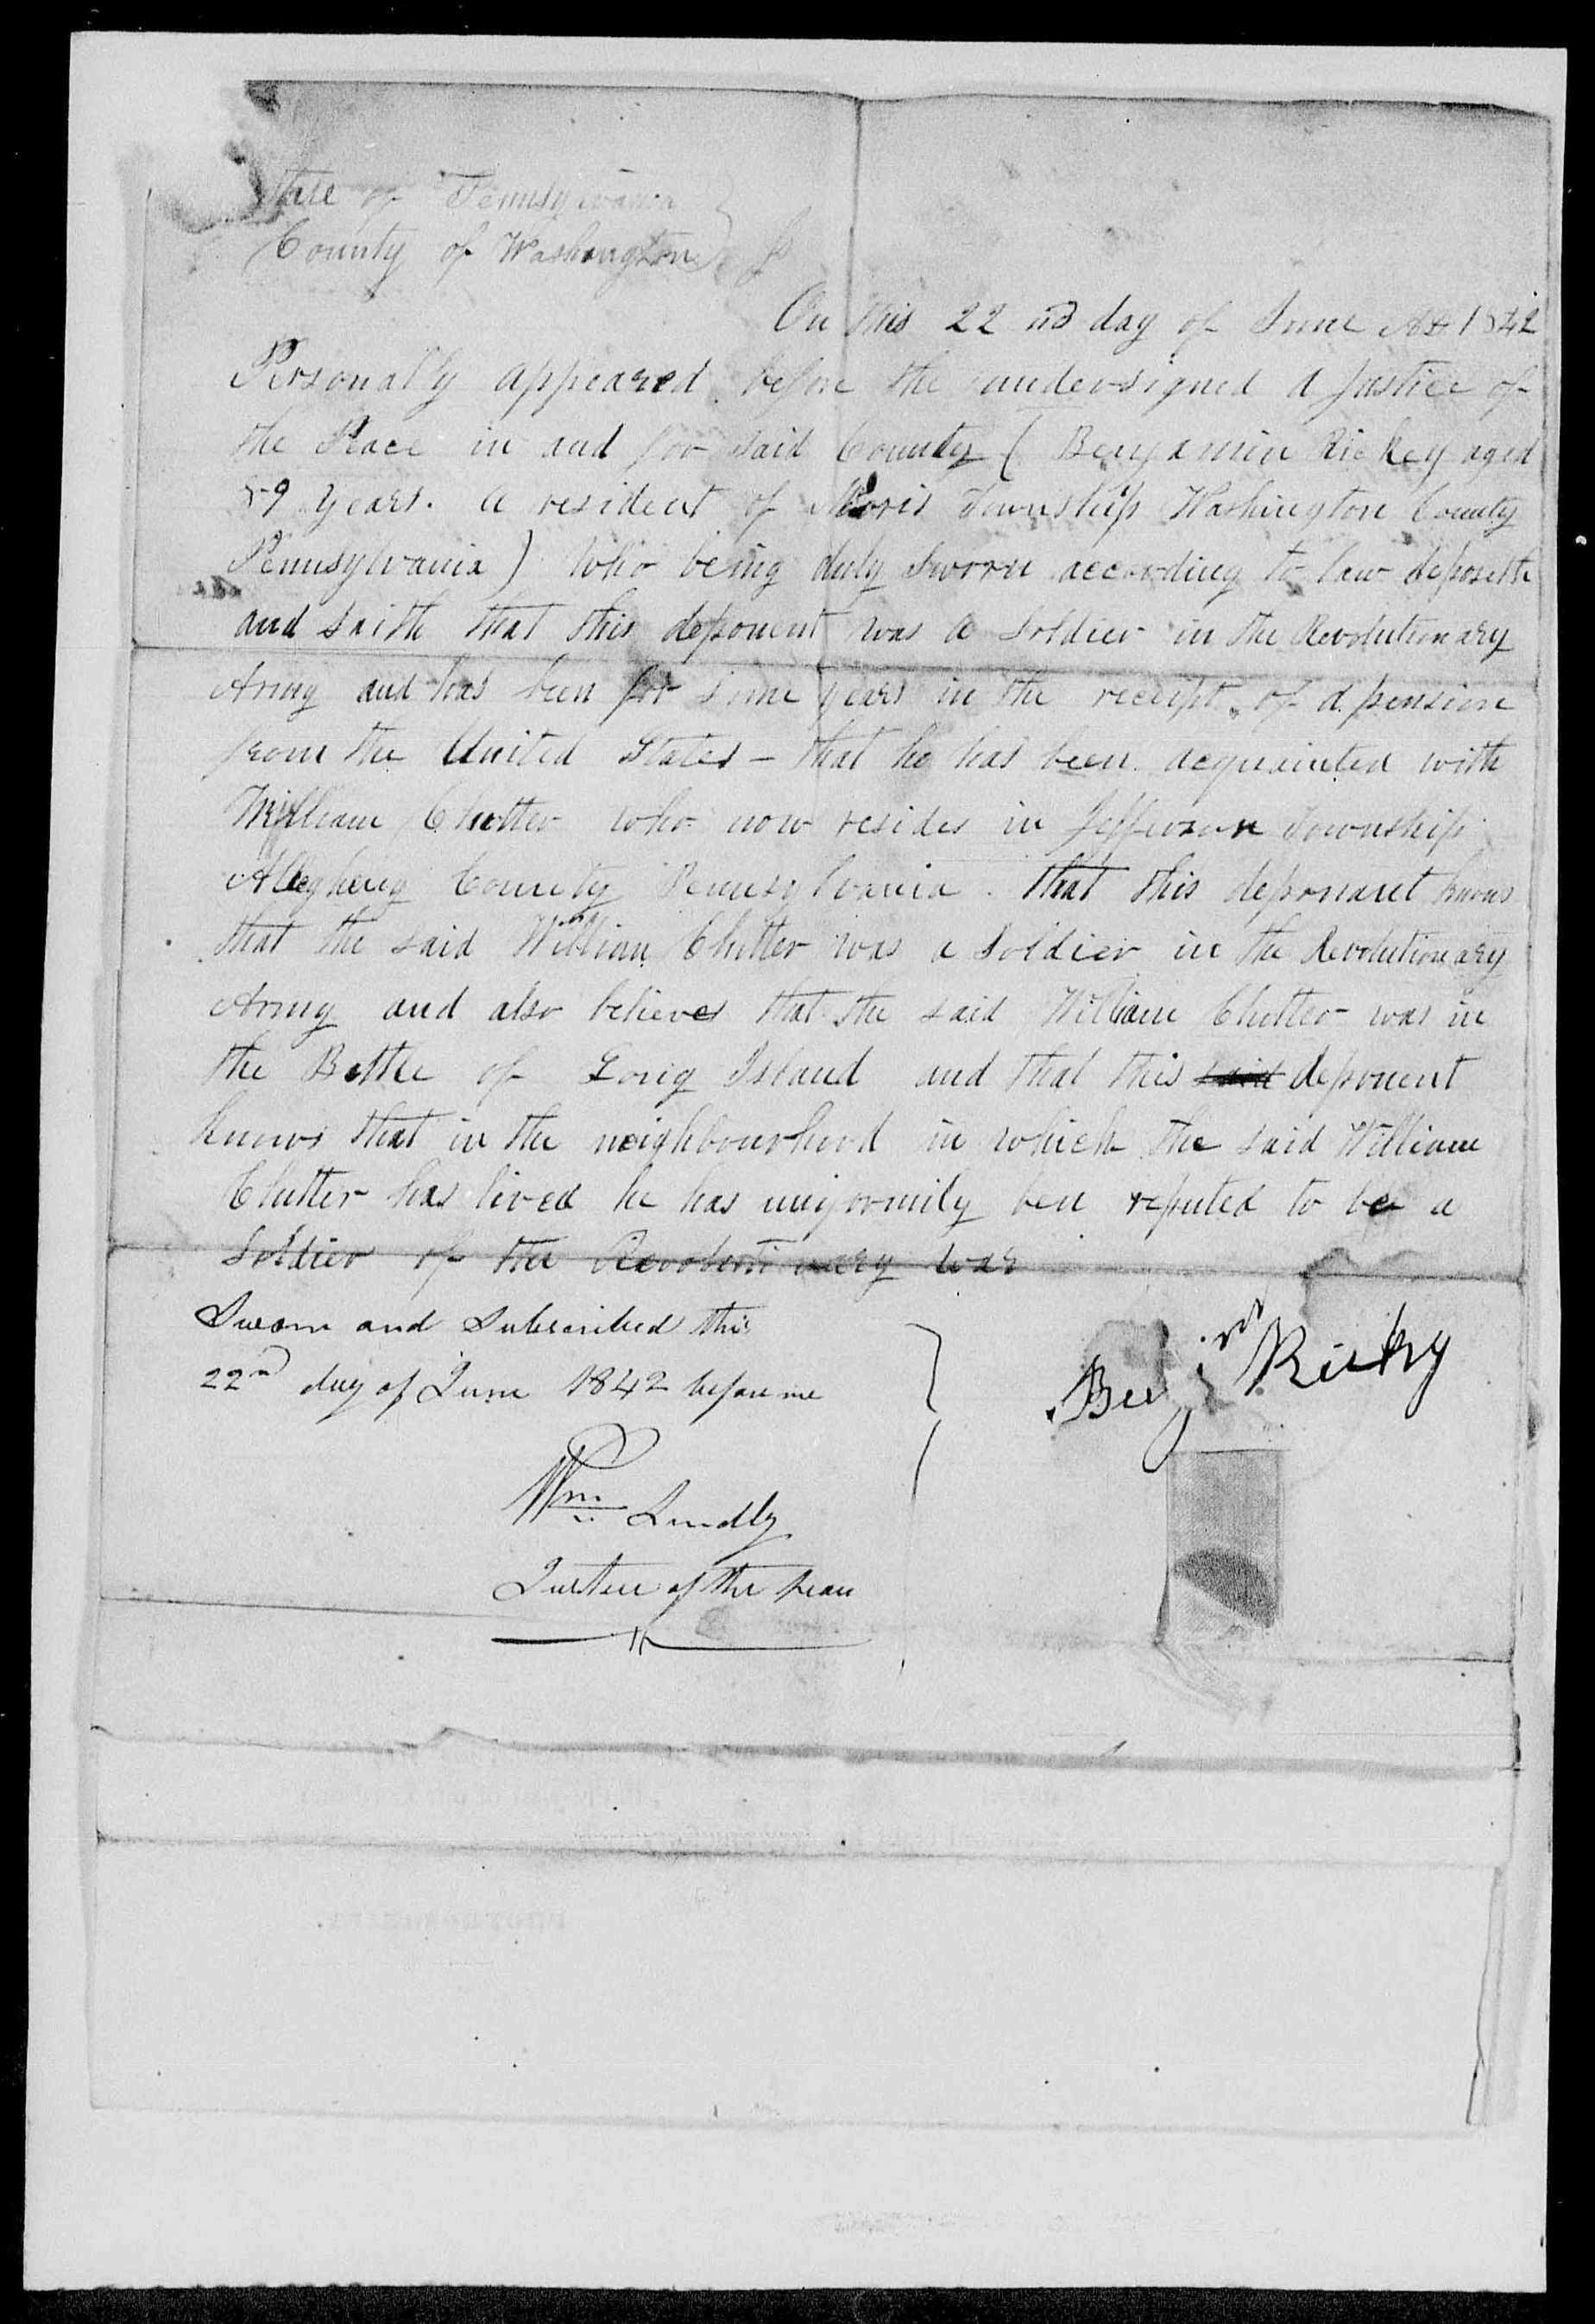State of Pennsylvania
County of Washington }ss.
On this 22nd day of June AD 1842 personally appeared before the undersigned a Justice of the Peace in and for said County (Benjamin Rickey aged 89 years, a resident of Morris Township Washington County Pennsylvania) who being duly sworn according to law deposeth and saith that this deponent was a soldier in the Revolutionary Army and has been for some years in the receipt of a pension from the United States.  That he has been acquainted with William Clutter who now resides in Jefferson Township, Allegheny County Pennsylvania.  That this deponent knows that the said William Clutter was a soldier in the Revolutionary Army and also believes that the said William Clutter was in the Battle of Long Island and that this deponent knows that in the neighborhood in which the said William Clutter has lived he has uniformly been reputed to be a soldier of the Revolutionary War.
Benjamin Rickey

Sworn and subscribed this 22nd day of June 1842 before me.
Wm. Lindly
Justice of the Peace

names: William Clutter, Wm Lindly, Willian Clutter, William Clutter, William Clutter, Benjamin Rickey, Benjn Ricky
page: 31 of 35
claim: rejected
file: R. 2066, William Clutter, New Jersey